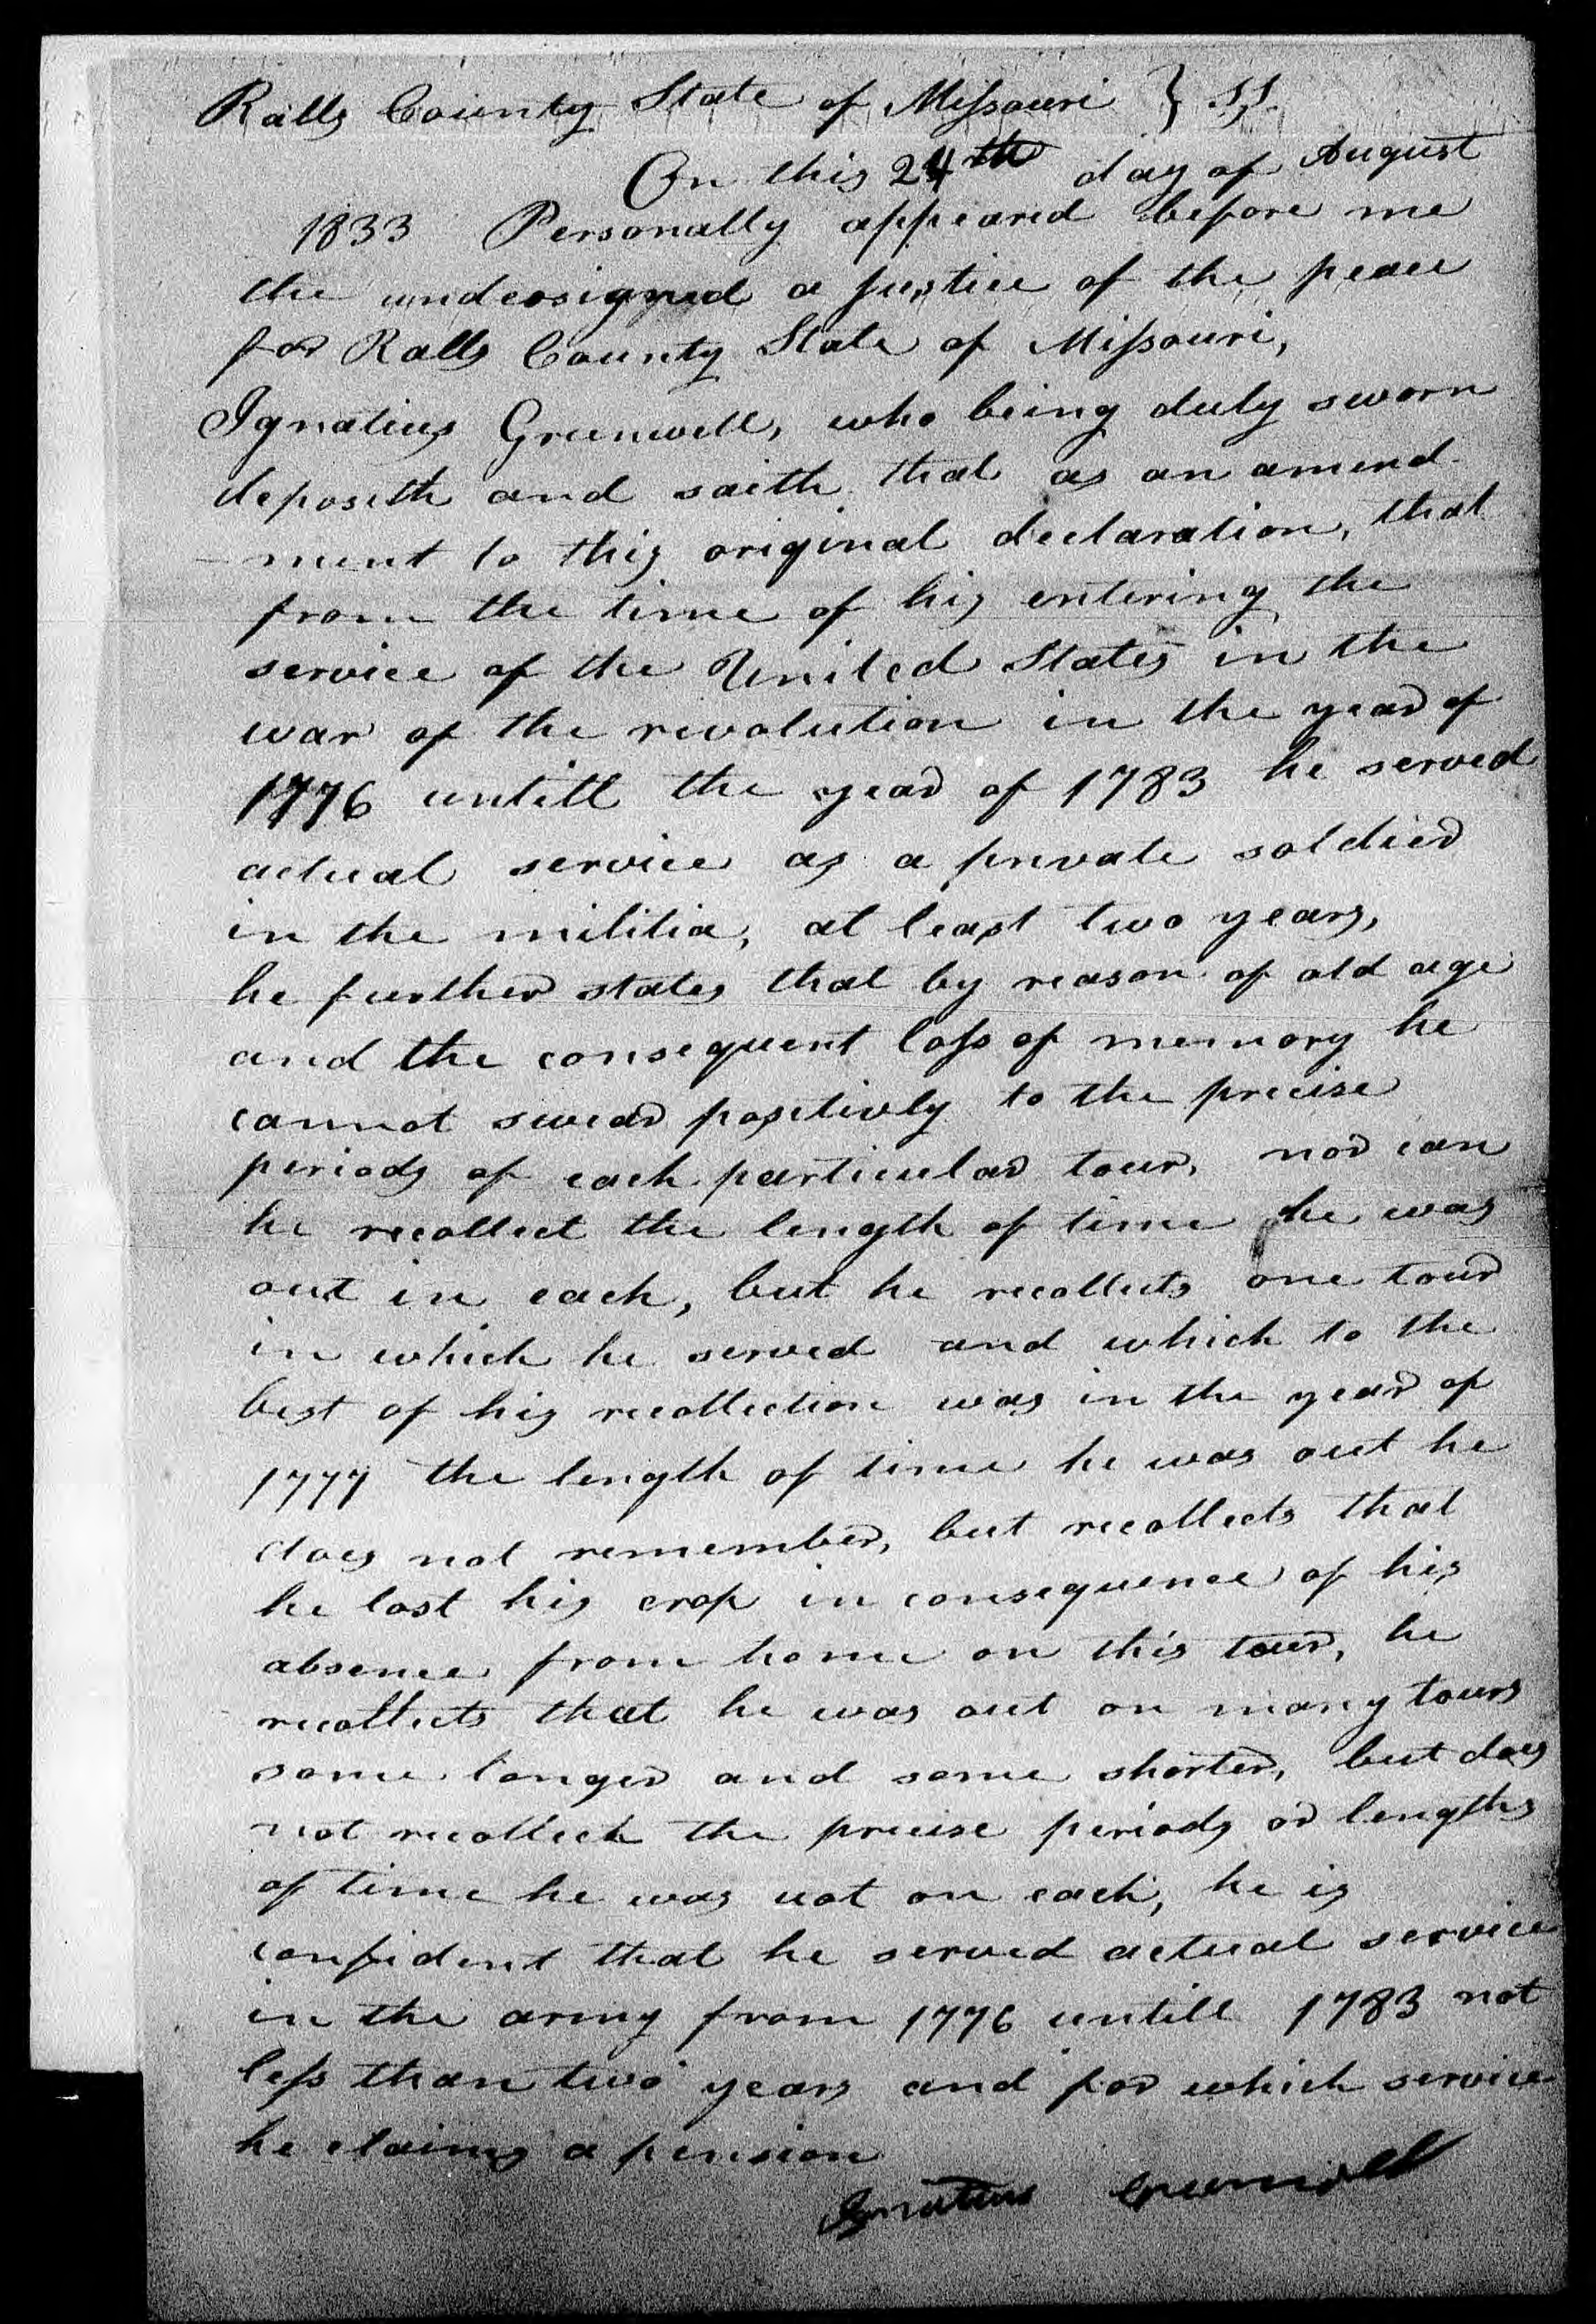Ralls County State of Missouri s.s.

On this 24th day of August 1833 personally appeared before me the undersigned a justice of the peace for Ralls County state of Missouri Ignatius Greenwell, who being duly sworn deposeth and saith that as an amendment to this original declaration that from the time of his entering the service of the United States in the war of the revolution in the year of 1776 until the year of 1783 he served actual service as a private soldier in the militia at least two years he further states that by reason of old age and the consequent loss of memory he cannot swear positively to the precise period of each particular tour nor can he recollect the length of time he was and in each but he recollects one tour in which he served and which to the best of his recollection was in the year of 1777 the length of time he was out he does not remember but recollects that he lost his crop in consequence of his absence from homme on this tour, he recollects that he was out on many tours some longer and some shorter but does not recollect the precise periods or lengths of time he was not on each; he is confident that he served actual service in the army from 1776 until 1783 not less than two years and for which service he claims a pension.

Ignatius Greenwell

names: Ignatius Greenwell, Ignatius Greenwell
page: 8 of 19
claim: survivor's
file: S. 16836, Ignatus Greenwell, Md.